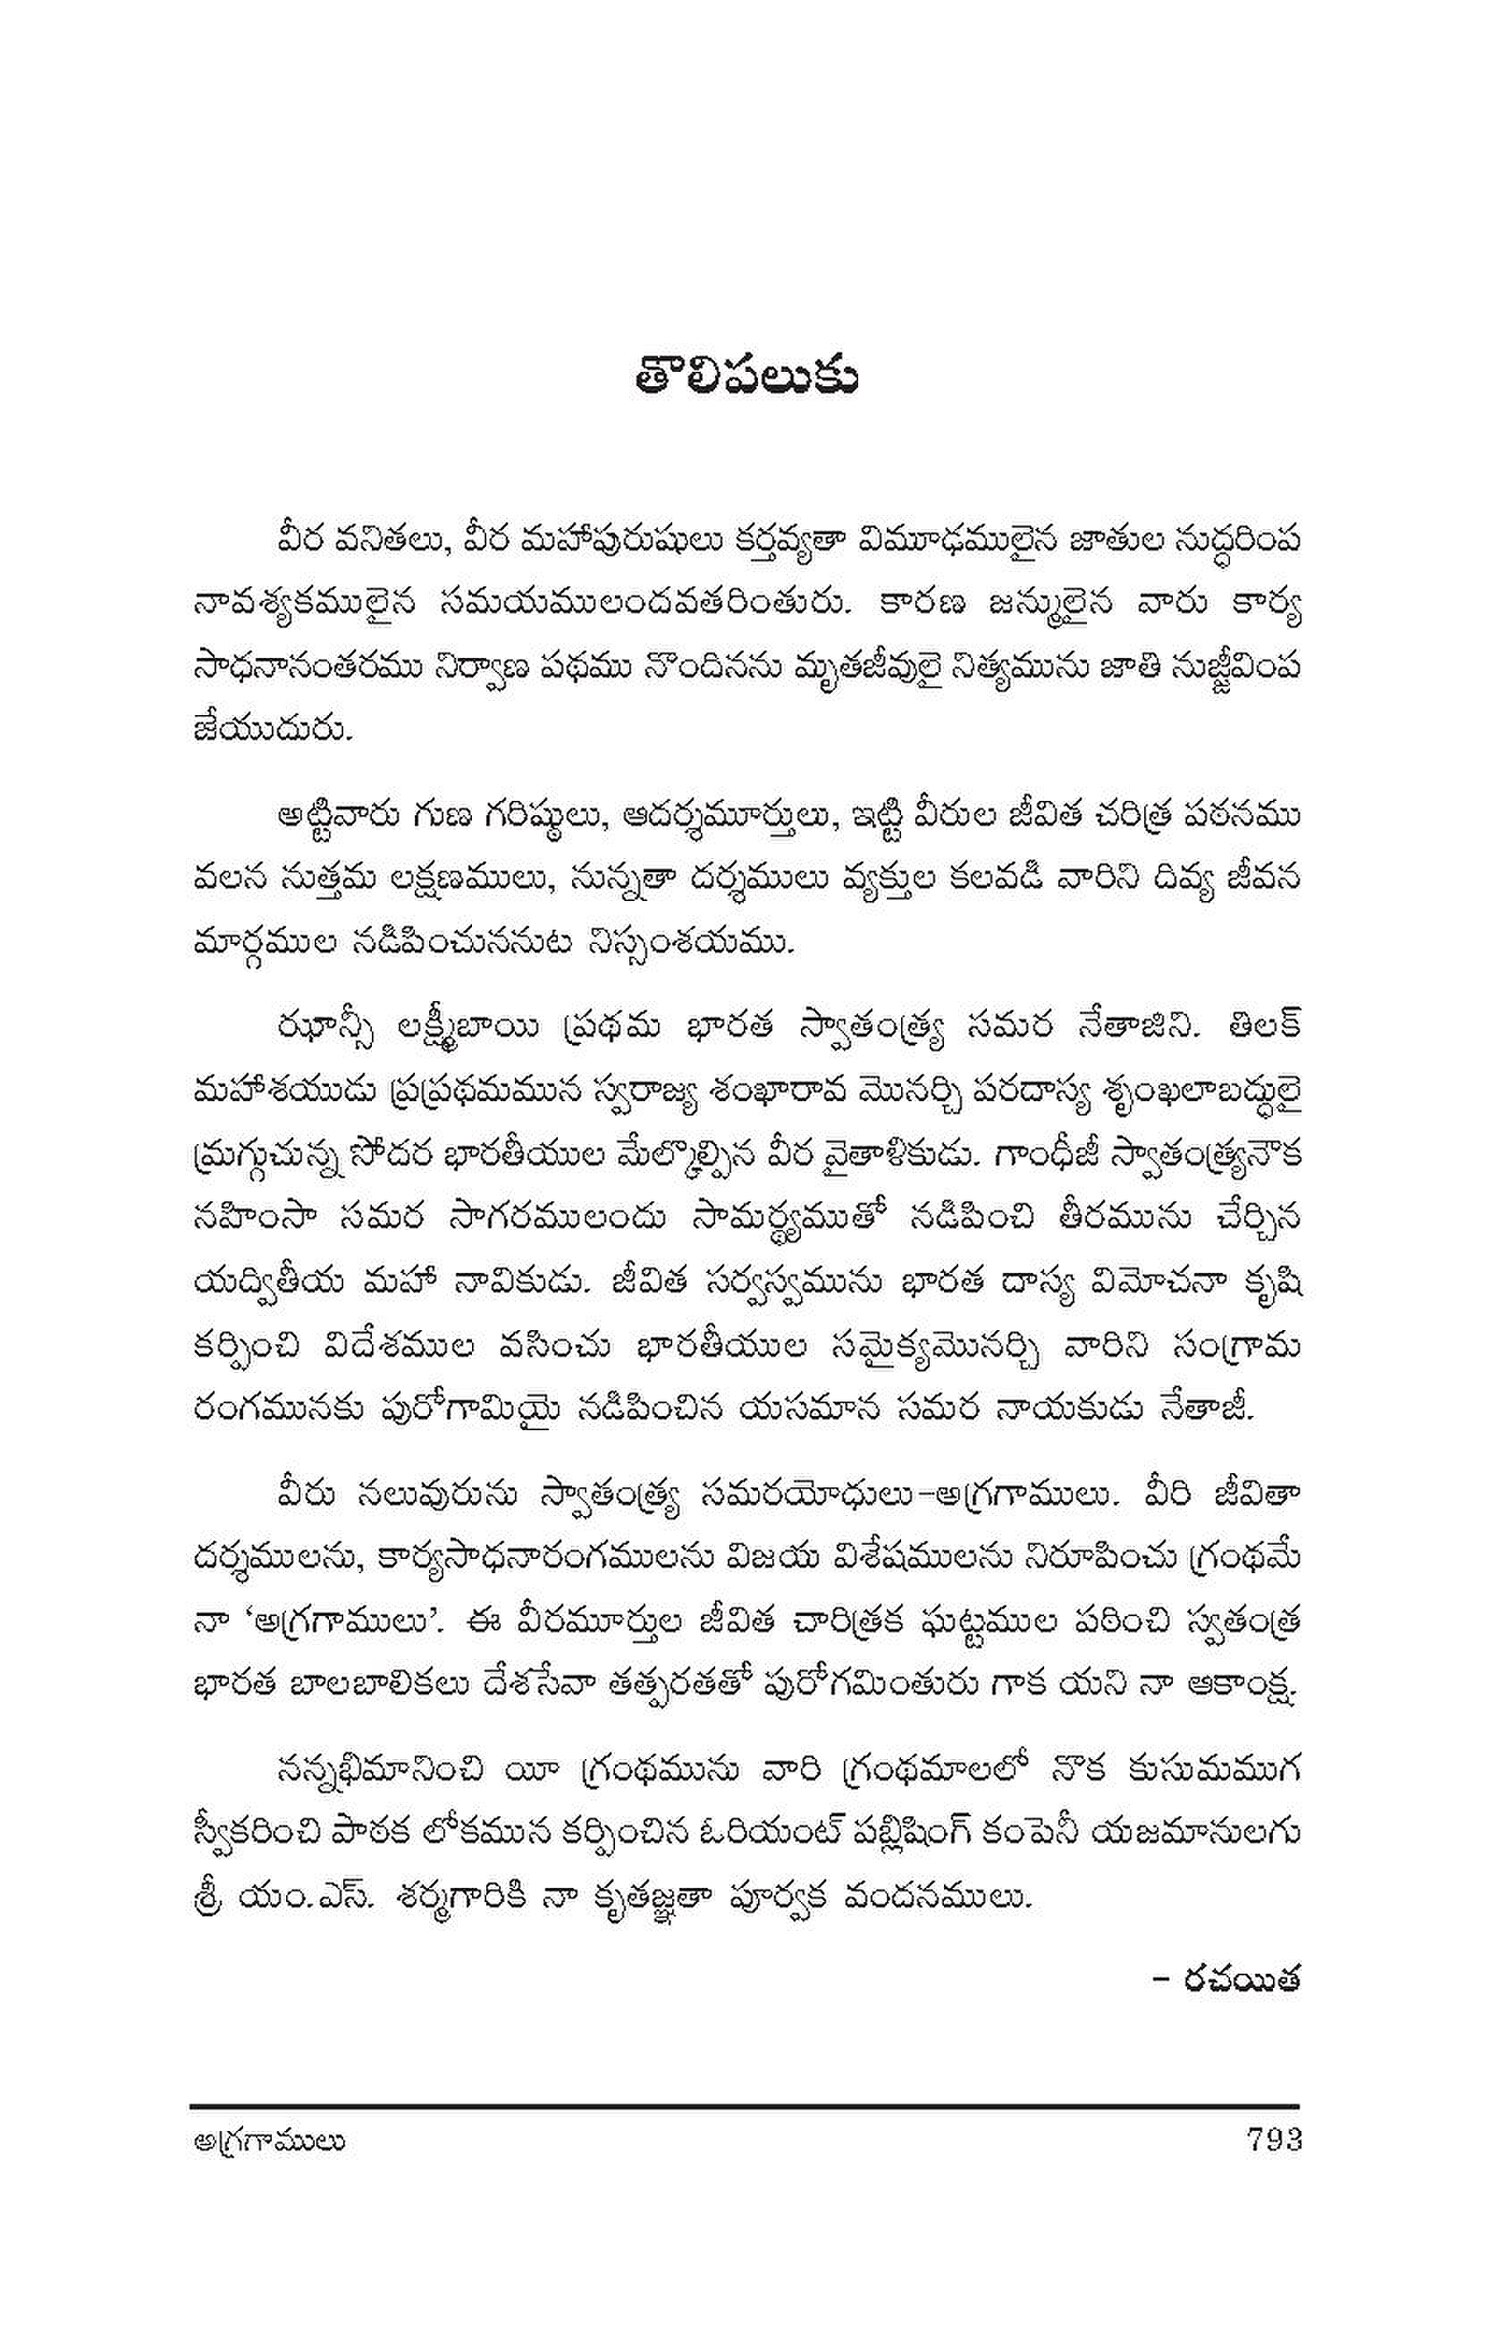తొలిపలుకు

వీర వనితలు, వీర మహాపురుషులు కర్తవ్యతా విమూఢములైన జాతుల నుద్ధరింప
నావశ్యకములైన సమయములందవతరింతురు. కారణజన్ములైన వారు కార్య
సాధనానంతరము నిర్వాణపథము నొందినను మృతజీవులై నిత్యమును జాతి నుజ్జీవింప
జేయుదురు.

అట్టివారు గుణ గరిష్ఠులు, ఆదర్శమూర్తులు, ఇట్టి వీరుల జీవిత చరిత్ర పఠనము వలన నుత్తమ లక్షణములు, నున్నతా దర్శములు వ్యక్తుల కలవడి వారిని దివ్య జీవన మార్గముల నడిపించుననుట నిస్సంశయము.

ఝాన్సీ లక్ష్మీబాయి ప్రథమ భారత స్వాతంత్ర్య సమర నేతాజిని. తిలక్ మహాశయుడు ప్రప్రథమమున స్వరాజ్య శంఖారావ మొనర్చి పరదాస్య శృంఖలాబద్ధులై మ్రగ్గుచున్న సోదర భారతీయుల మేల్కొల్సిన వీర వైతాళికుడు. గాంధీజీ స్వాతంత్ర్యనౌక నహింసా సమర సాగరములందు సామర్థ్యముతో నడిపించి తీరమును చేర్చిన
యద్వితీయ మహా నావికుడు. జీవిత సర్వస్వమును భారత దాస్య విమోచనా కృషి కర్పించి విదేశముల వసించు భారతీయుల సమైక్యమొనర్చి వారిని సంగ్రామ రంగమునకు పురోగామియై నడిపించిన యసమాన సమర నాయకుడు నేతాజీ.

వీరు నలువురును స్వాతంత్య్ర సమరయోధులు - అగ్రగాములు. వీరి జీవితాదర్శములను, కార్యసాధనారంగములను విజయ విశేషములను నిరూపించు గ్రంథమే నా ‘అగ్రగాములు’. ఈ వీరమూర్తుల జీవిత చారిత్రక ఘట్టములు పఠించి స్వతంత్ర భారత బాలబాలికలు దేశసేవా తత్పరతతో పురోగమింతురు గాక యని నా ఆకాంక్ష.

నన్నభిమానించి యీ గ్రంథమును వారి గ్రంథమాలలో నొక కుసుమముగ స్వీకరించి పాఠక లోకమున కర్పించిన ఓరియంట్ పబ్లిషింగ్ కంపెనీ యజమానులగు శ్రీ యం.ఎస్. శర్మగారికి నా కృతజ్ఞతా పూర్వక వందనములు.